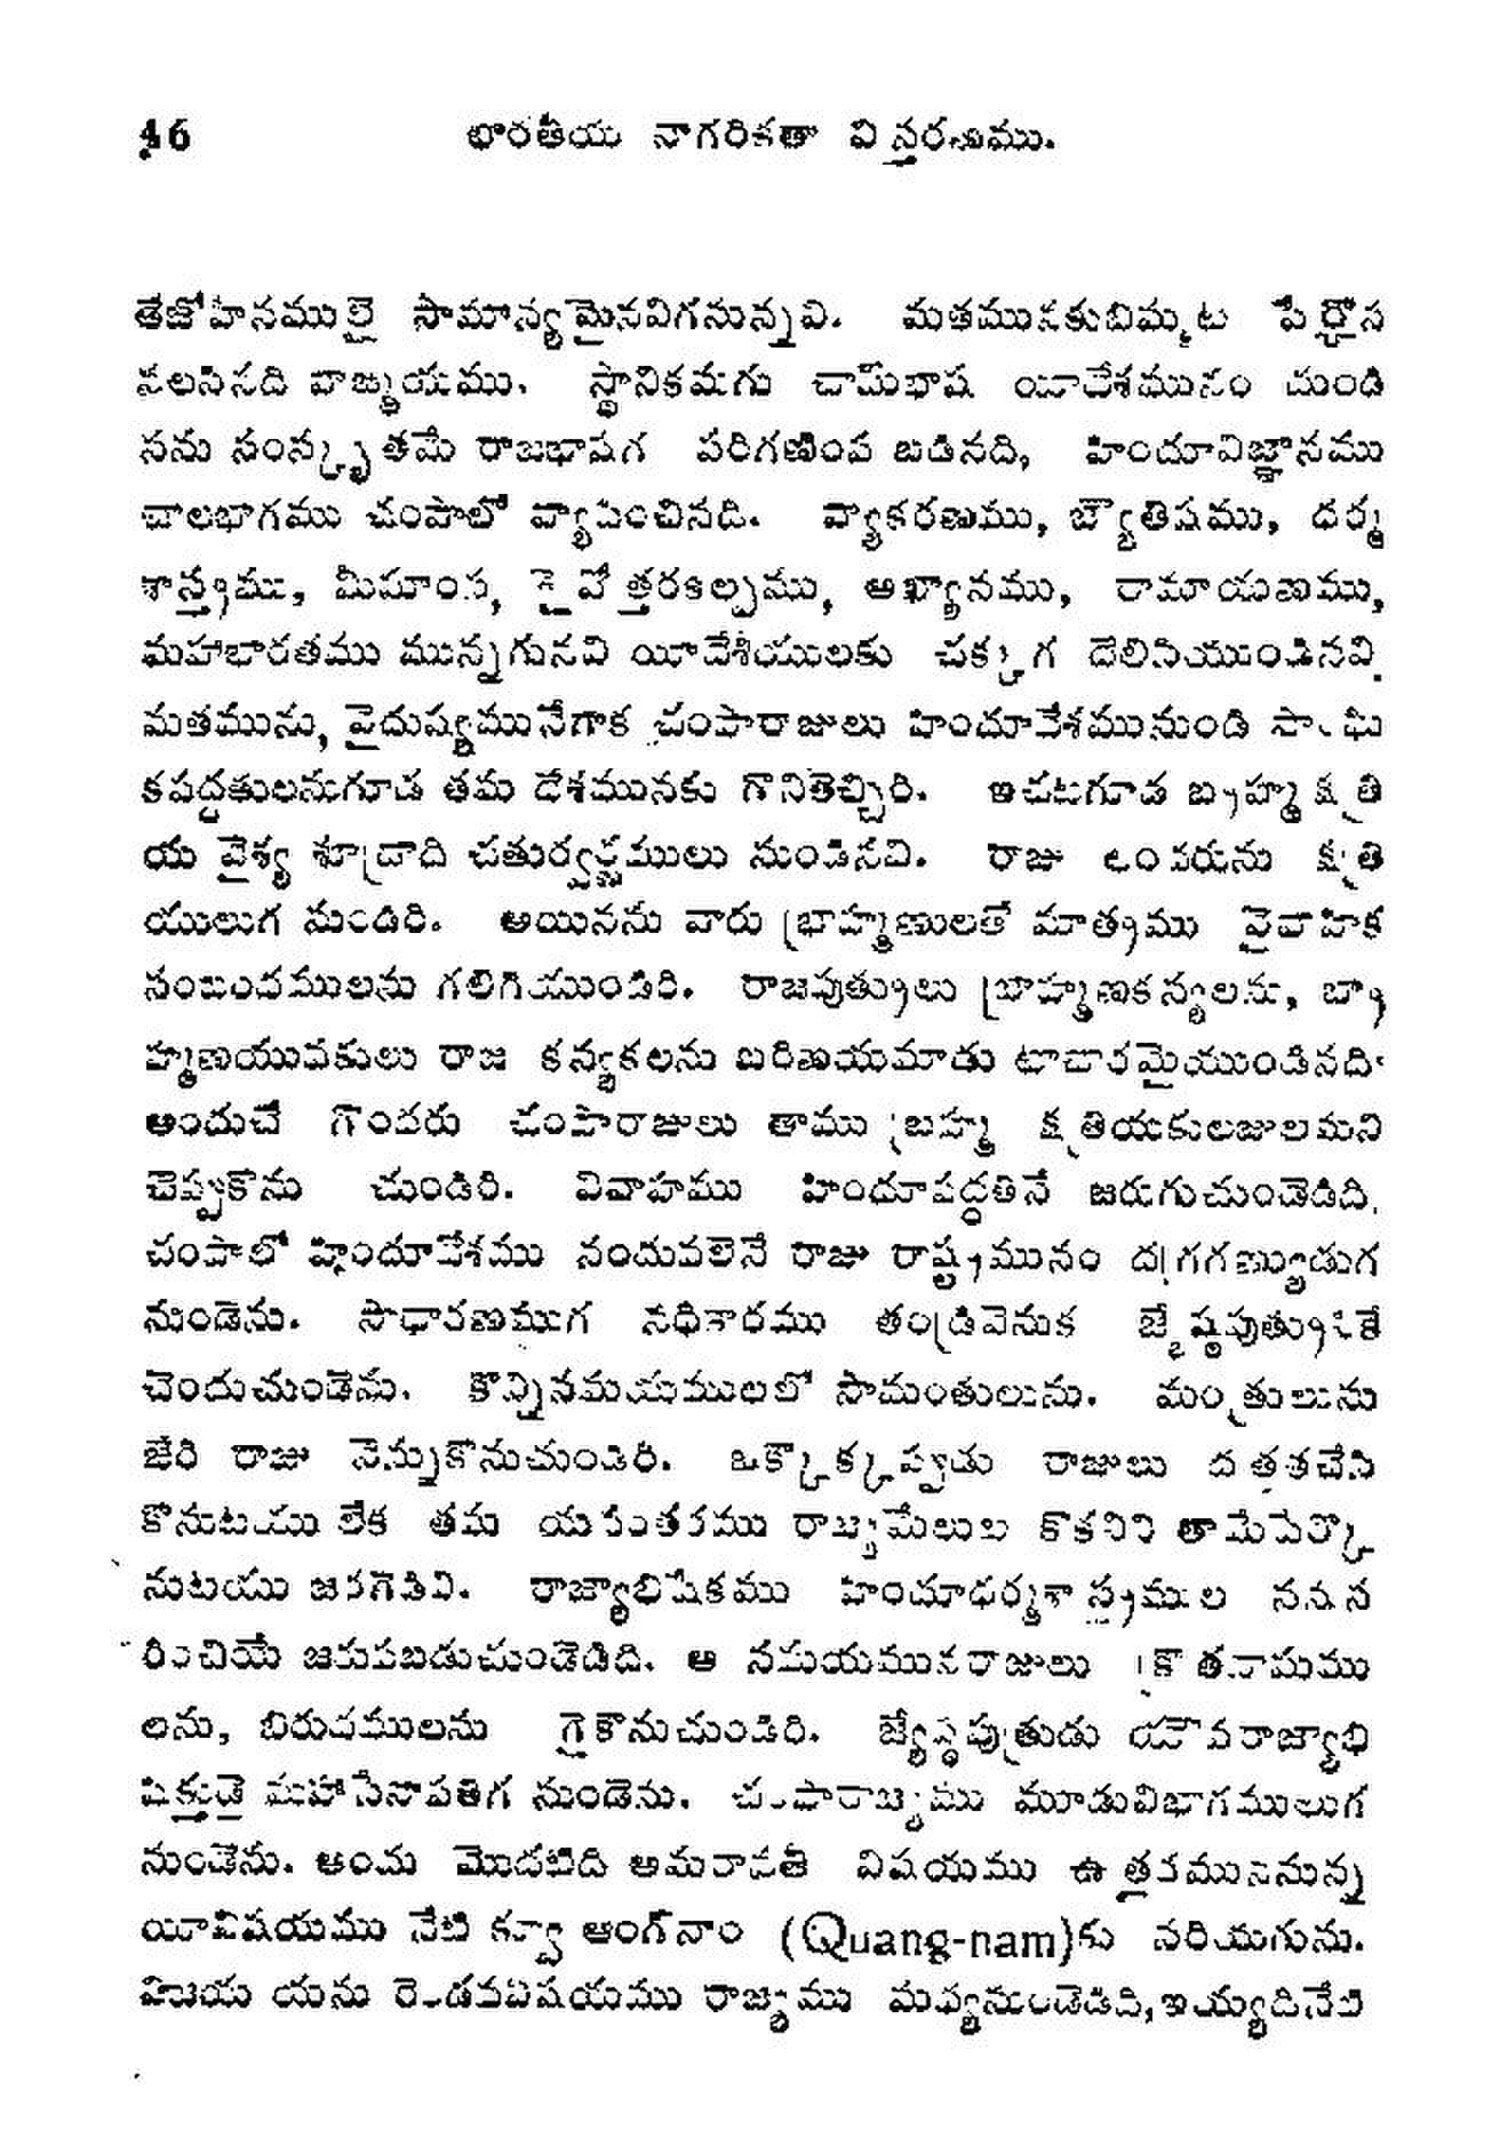తేజోహీనములై సామాన్యమైనవిగనున్నవి. మతమునకు బిమ్మట పేర్కొనవలసినది వాఙ్మయము. స్థానికమగు చామ్‌భాష యీదేశమునం దుండినను సంస్కృతమే రాజభాషగ పరిగణింప బడినది. హిందూవిజ్ఞానము చాలభాగము చంపాలో వ్యాపించినది. వ్యాకరణము, జ్యౌతిషము, ధర్మశాస్త్రము, మీమాంస, శైవోత్తరకల్పము, అఖ్యానము, రామాయణము, మహాభారతము మున్నగునవి. యీదేశీయులకు చక్కగ దెలిసియుండినవి. మతమును, వైదుష్యమునేగాక చంపారాజులు హిందూదేశమునుండి సాంఘికపద్దతులనుగూడ తమ దేశమునకు గొనితెచ్చిరి. ఇచటగూడ బ్రహ్మ క్షత్రియ వైశ్య శూద్రాది చతుర్వర్ణములు నుండినవి. రాజు లందరును క్షత్రియులుగ నుండిరి. అయినను వారు బ్రాహ్మణులతో మాత్రము వైవాహిక సంబంధములను గలిగియుండిరి. రాజపుత్రులు బ్రాహ్మణకన్యలను, బ్రాహ్మణయువకులు రాజ కన్యకలను బరిణయమాడు టాచారమైయుండినది. అందుచే గొందరు చంపారాజులు తాము బ్రహ్మ క్షత్రియకులజులమని చెప్పుకొను చుండిరి. వివాహము హిందూపద్దతినే జరుగుచుండెడిది. చంపాలో హిందూదేశము నందువలెనే రాజు రాష్ట్రమునం దగ్రగణ్యుడుగ నుండెను. సాధారణముగ నధికారము తండ్రివెనుక జ్యేష్ఠపుత్రునికే చెందుచుండెను. కొన్నిసమయములలో సామంతులును, మంత్రులును జేరి రాజు నెన్నుకొనుచుండిరి. ఒక్కొక్కప్పుడు రాజులు దత్తతచేసి కొనుటయు జరగెడివి. రాజ్యాభిషేకము హిందూధర్మశాస్త్రముల ననుసరించియే జరుపబడుచుండెడిది. అ సమయమున రాజులు క్రొత్తనామములను, బిరుదములను గైకొనుచుండిరి. జ్యేష్ఠపుత్రుడు యౌవరాజ్యాభిషిక్తుడై మహాసేనాపతిగ నుండెను. చంపారాజ్యము మూడువిభాగములుగ నుండెను. అందు మొదటిది అమరావతీ విషయము ఉత్తరముననున్న యీవిషయము నేటి అంగ్‌నాం (Quang-nam)కు సరియగును. విజయ యను రెండవవిషయము రాజ్యము మధ్యనుండెడిది. ఇయ్యదినేటి